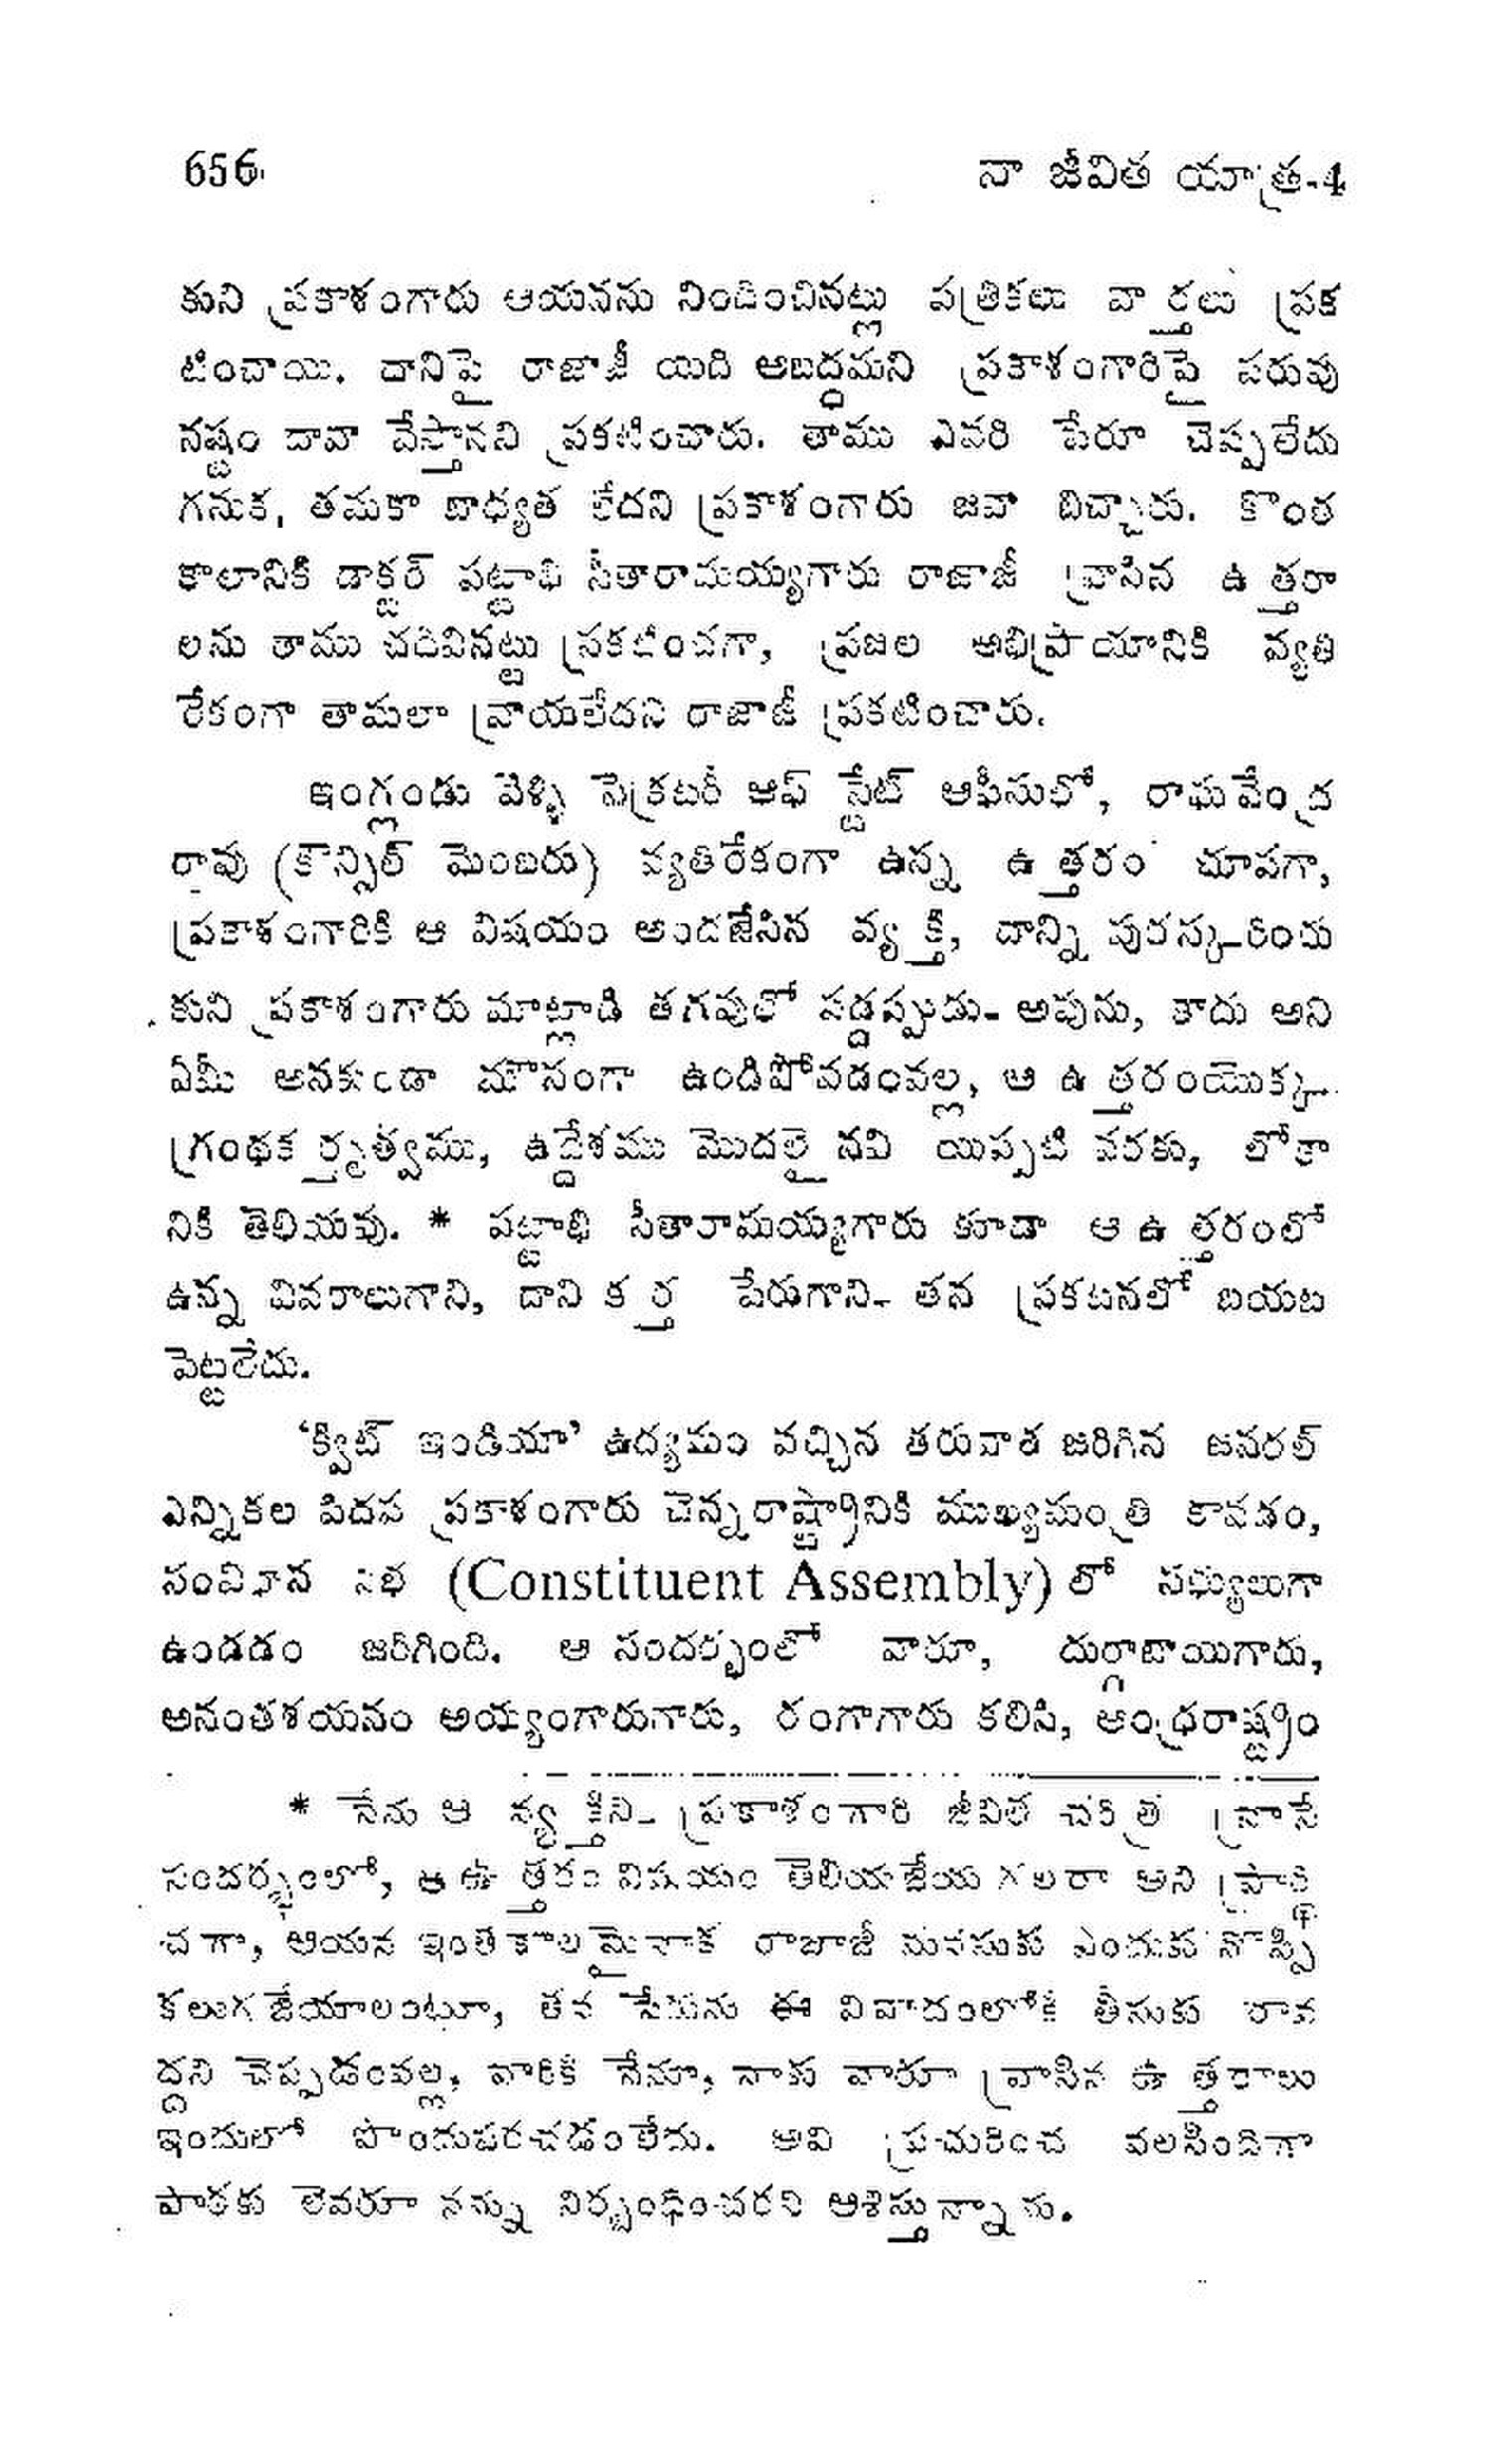కుని ప్రకాశంగారు ఆయనను నిందించినట్లు పత్రికలు వార్తలు ప్రకటించాయి. దానిపై రాజాజీ యిది అబద్దమని ప్రకాశంగారిపై పరువు నష్టం దావా వేస్తానని ప్రకటించారు. తాము ఎవరి పేరూ చెప్పలేదు గనుక, తమకా బాధ్యత లేదని ప్రకాశంగారు జవా బిచ్చారు. కొంత కాలానికి డాక్టర్ పట్టాభి సీతారామయ్యగారు రాజాజీ వ్రాసిన ఉత్తరాలను తాము చదివినట్టు ప్రకటించగా, ప్రజల అభిప్రాయానికి వ్యతిరేకంగా తామలా వ్రాయలేదని రాజాజీ ప్రకటించారు.

ఇంగ్లండు వెళ్ళి సెక్రటరీ ఆఫ్ స్టేట్ ఆఫీసులో, రాఘవేంద్రరావు (కౌన్సిల్ మెంబరు) వ్యతిరేకంగా ఉన్న ఉత్తరం చూపగా, ప్రకాశంగారికి ఆ విషయం అందజేసిన వ్యక్తి, దాన్ని పురస్కరించుకుని ప్రకాశంగారు మాట్లాడి తగవులో పడ్డప్పుడు - అవును, కాదు అని ఏమీ అనకుండా మౌనంగా ఉండిపోవడంవల్ల, ఆ ఉత్తరంయొక్క గ్రంథకర్తృత్వము, ఉద్దేశము మొదలైనవి యిప్పటి వరకు, లోకానికి తెలియవు.పట్టాభి సీతారామయ్యగారు కూడా ఆ ఉత్తరంలో ఉన్న వివరాలుగాని, దాని కర్త పేరుగాని - తన ప్రకటనలో బయట పెట్టలేదు.

'క్విట్ ఇండియా' ఉద్యమం వచ్చిన తరువాత జరిగిన జనరల్ ఎన్నికల పిదప ప్రకాశంగారు చెన్నరాష్ట్రానికి ముఖ్యమంత్రి కావడం, సంవిధాన సభ (Constituent Assembly) లో సభ్యులుగా ఉండడం జరిగింది. ఆ సందర్భంలో వారూ, దుర్గాబాయిగారు, అనంతశయనం అయ్యంగారుగారు, రంగాగారు కలిసి, ఆంధ్రరాష్ట్రం